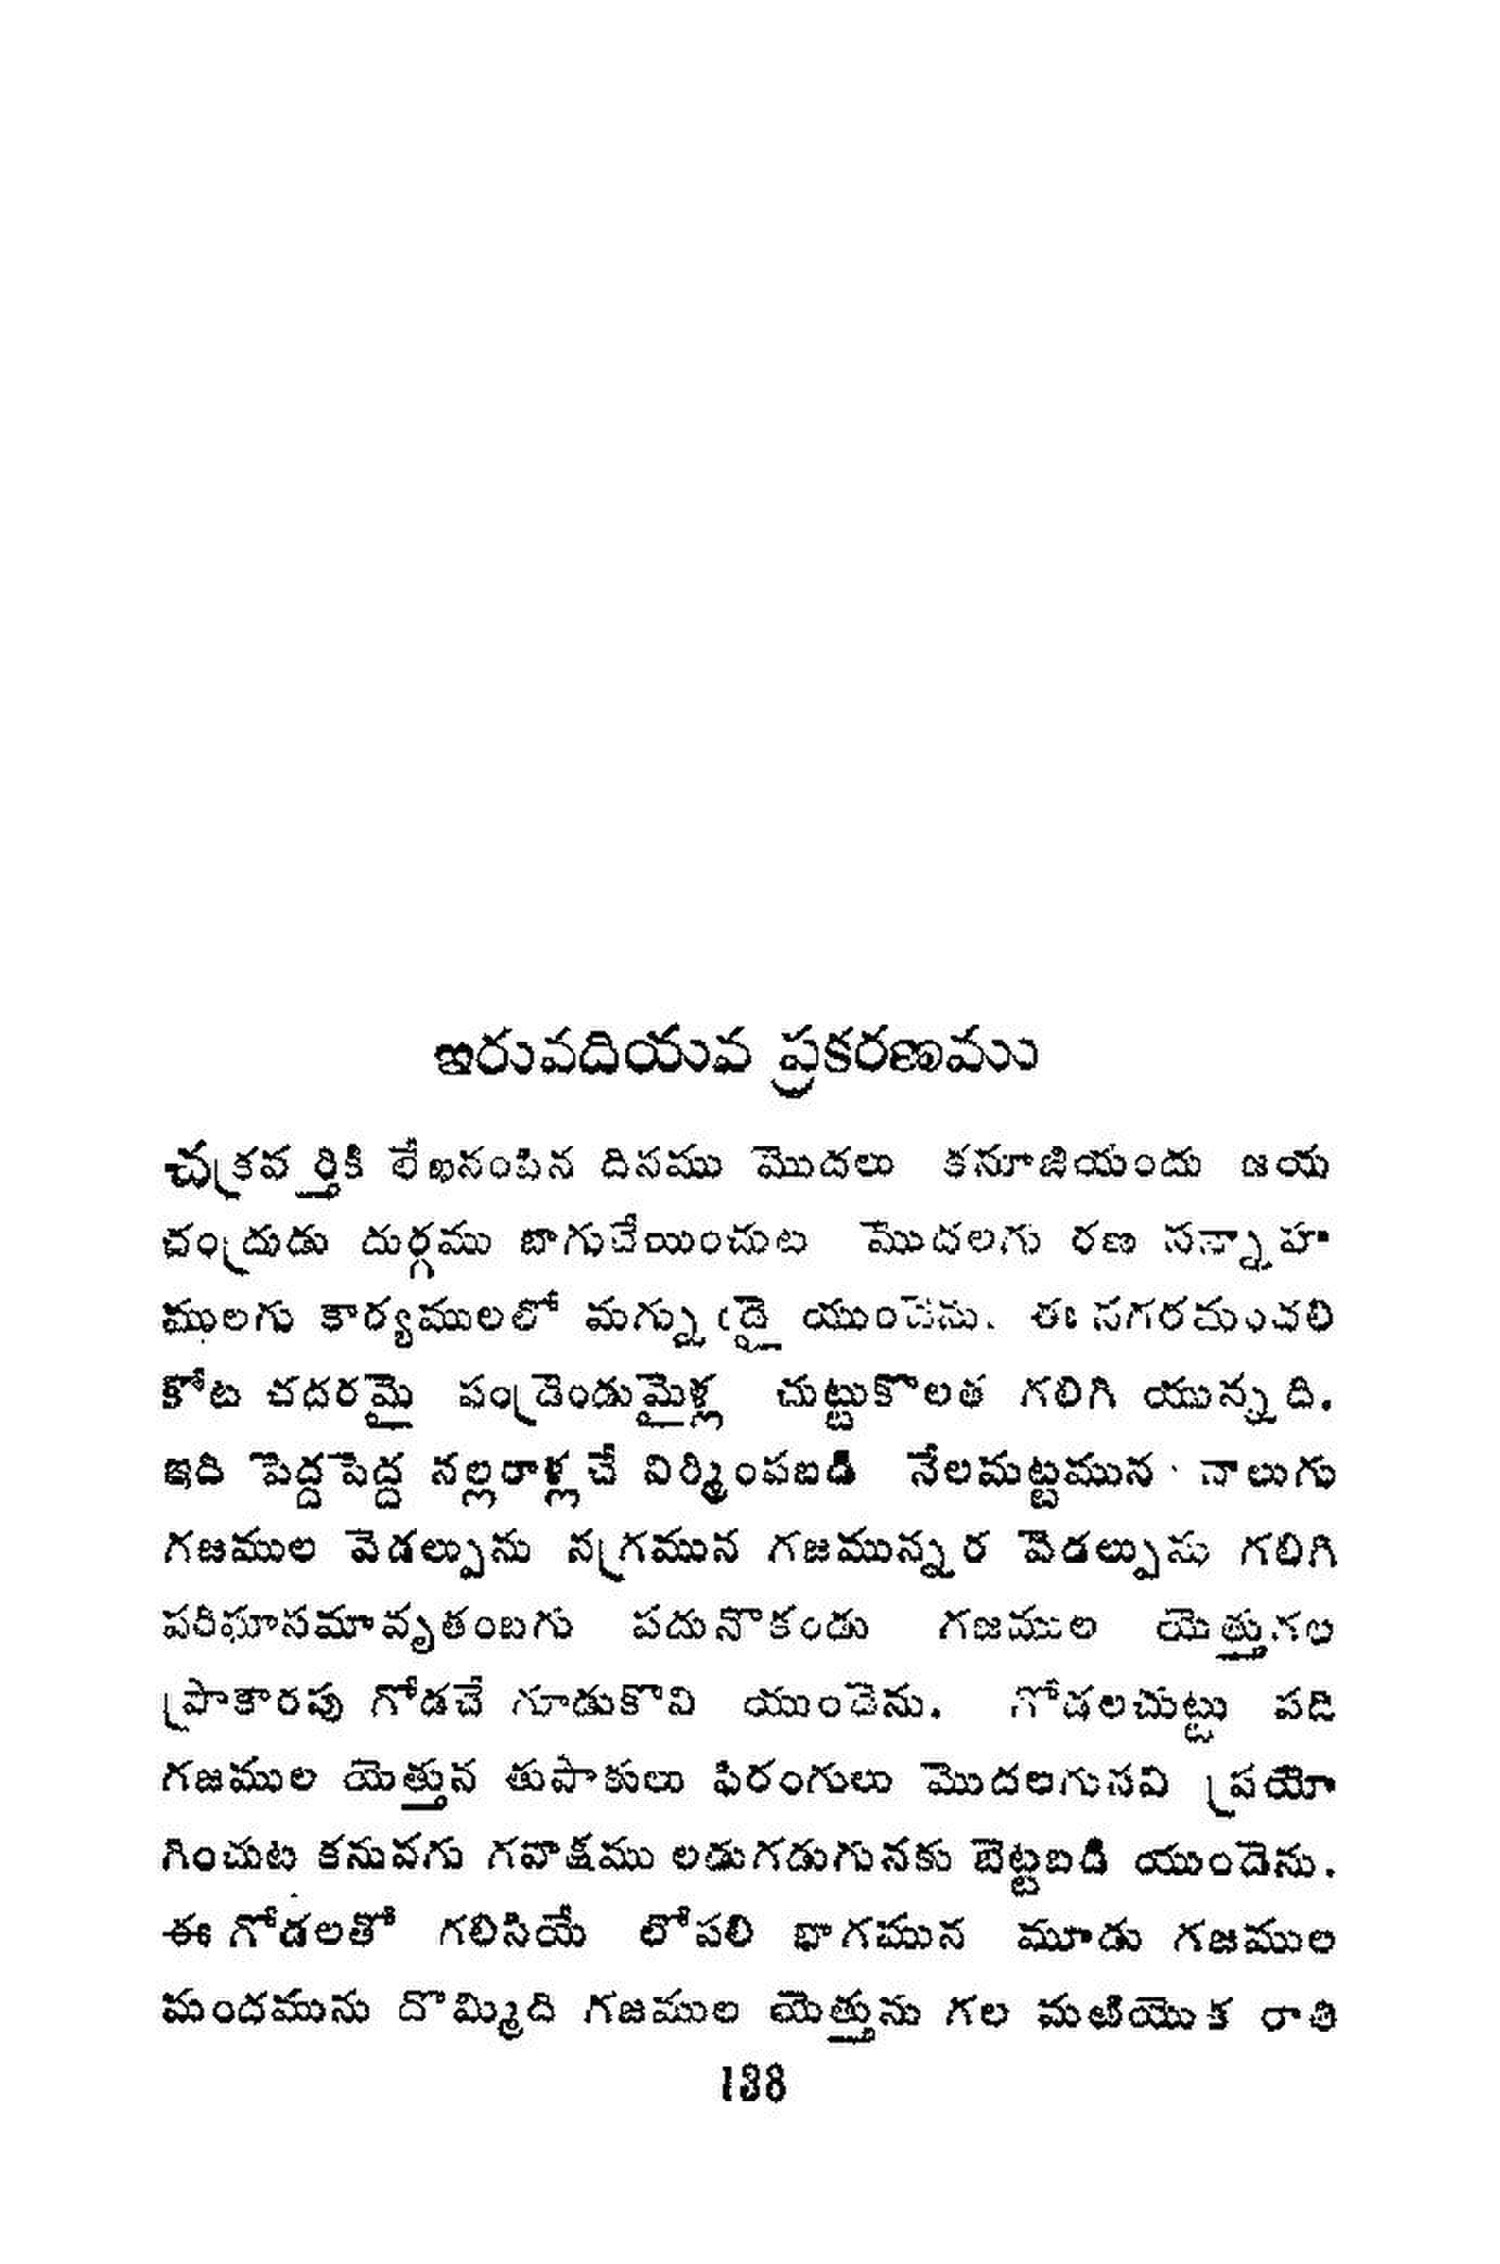ఇరువదియవ ప్రకరణము

క్రవర్తికి లేఖనంపిన దినము మొదలు కనూజియందు జయచంద్రుడు దుర్గము బాగుచేయించుట మొదలగు రణ సన్నాహములగు కార్యములలో మగ్ను డై యుండెను. ఈ నగరమందలి కోట చదరమై పండ్రెండుమైళ్ల చుట్టుకొలత గలిగి యున్నది. ఇది పెద్దపెద్ద నల్లరాళ్లచే నిర్మింపబడి నేలమట్టమున నాలుగు గజముల వెడల్పును నగ్రమున గజమున్నర వెడల్పును గలిగి పరీఘాసమావృతంబగు పదునొకండు గజముల యెత్తుగల ప్రాకారపు గోడచే గూడుకొని యుండెను. గోడలచుట్టు పది గజముల యెత్తున తుపాకులు ఫిరంగులు మొదలగునవి ప్రయోగించుట కనువగు గవాక్షము లడుగడుగునకు బెట్టబడి యుండెను. ఈ గోడలతో గలిసియే లోపలి భాగమున మూడు గజముల మందమును దొమ్మిది గజముల యెత్తును గల మఱియొక రాతి